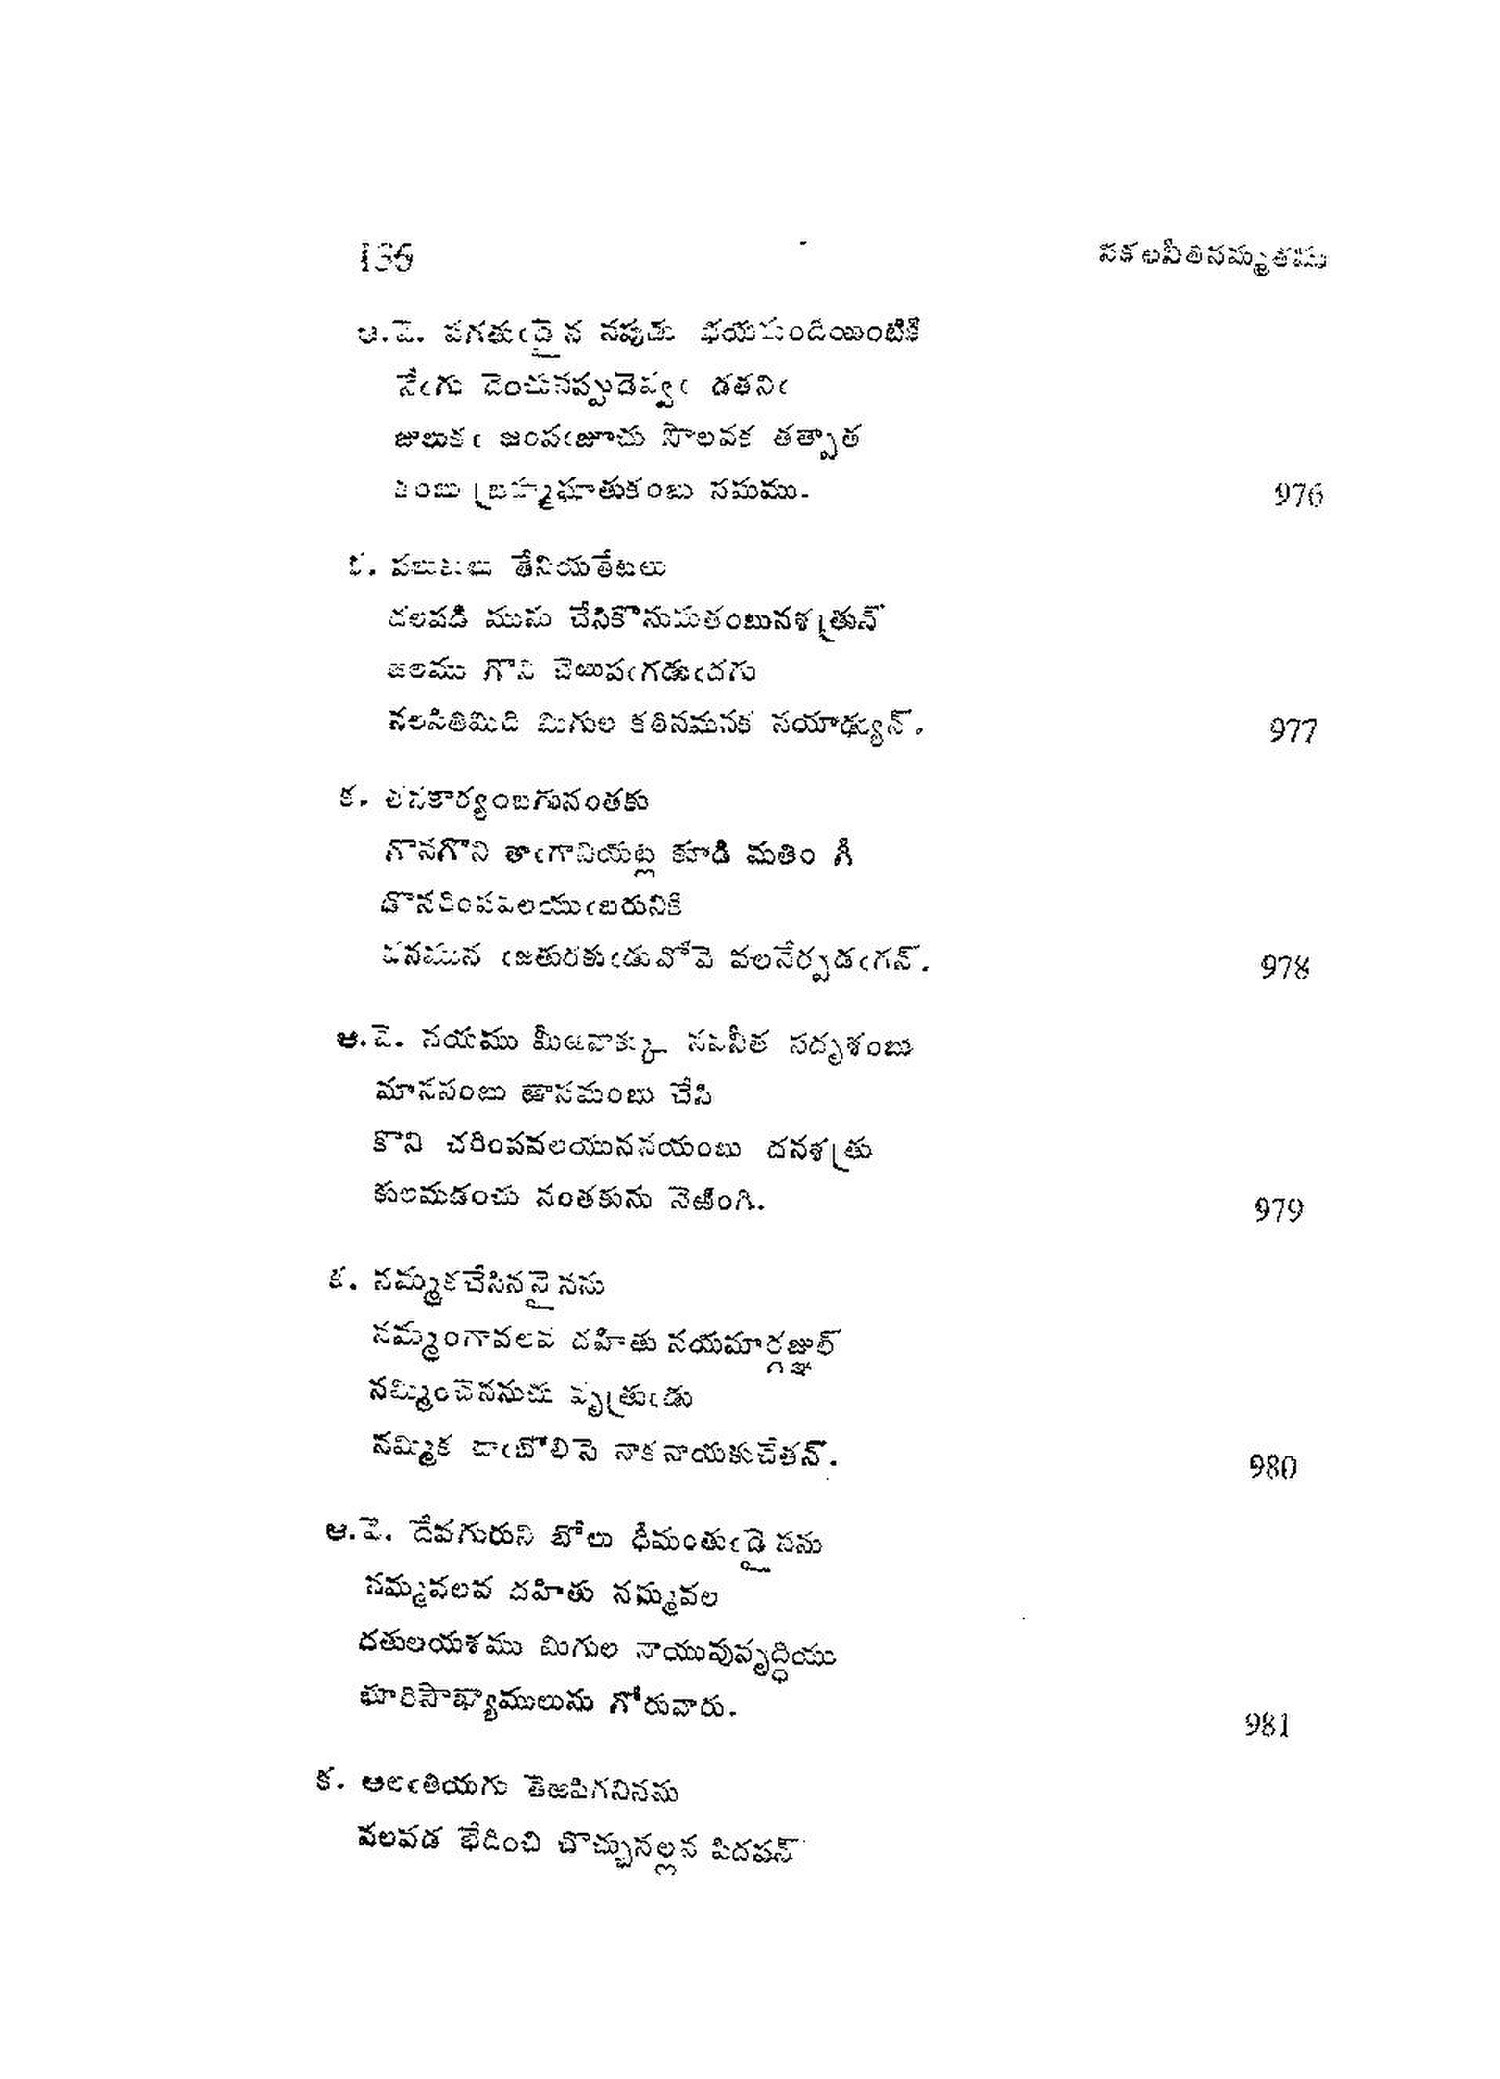ఆ. పగతుఁడైన నపుడు భయమంది యింటికి
నేఁగు దెంచునప్పుడెవ్వఁ డతనిఁ
జులుకఁ జంపఁజూచు సొలవక తత్పాత
కంబు బ్రహ్మఘాతుకంబు సమము. 976

క. పలుకులు తేనియతేటలు
దలపడి మును చేసికొను మతంబున శత్రున్
జలము గొని చెఱుపఁగడుఁదగు
నలసితిమిది మిగుల కఠిన మనక నయాఢ్యున్. 977

క. తనకార్యం బగునంతకు
గొనగొని తాఁగానియట్ల కూడి మతిం గీ
డొనరింపవలయుఁ బరునికి
వనమునఁ జతురకుఁడు వోవె వలనేర్పడఁగన్. 978

ఆ. నయము మీఱవాక్కు నవనీతసదృశంబు
మానసంబు ఱాసమంబు చేసి
కొని చరింపవలయు ననయంబు దనశత్రు
కుల మడంచు నంతకును నెఱింగి. 979

క. నమ్మకచేసిననైనను
నమ్మంగావలవ దహితు నయమార్గజ్ఞుల్
నమ్మించెననుచు వృత్రుఁడు
నమ్మిక దాఁ బొలిసె నాకనాయకుచేతన్. 980

ఆ. దేవగురుని బోలు ధీమంతుఁడైనను
నమ్మవలవ దహితు నమ్మవల
దతులయశము మిగుల నాయువువృద్ధియు
భూరిసౌఖ్యములును గోరువారు. 981

క. అలఁతియగు తెఱపిగనినను
నలవడ భేదించి చొచ్చునల్లన పిదపన్